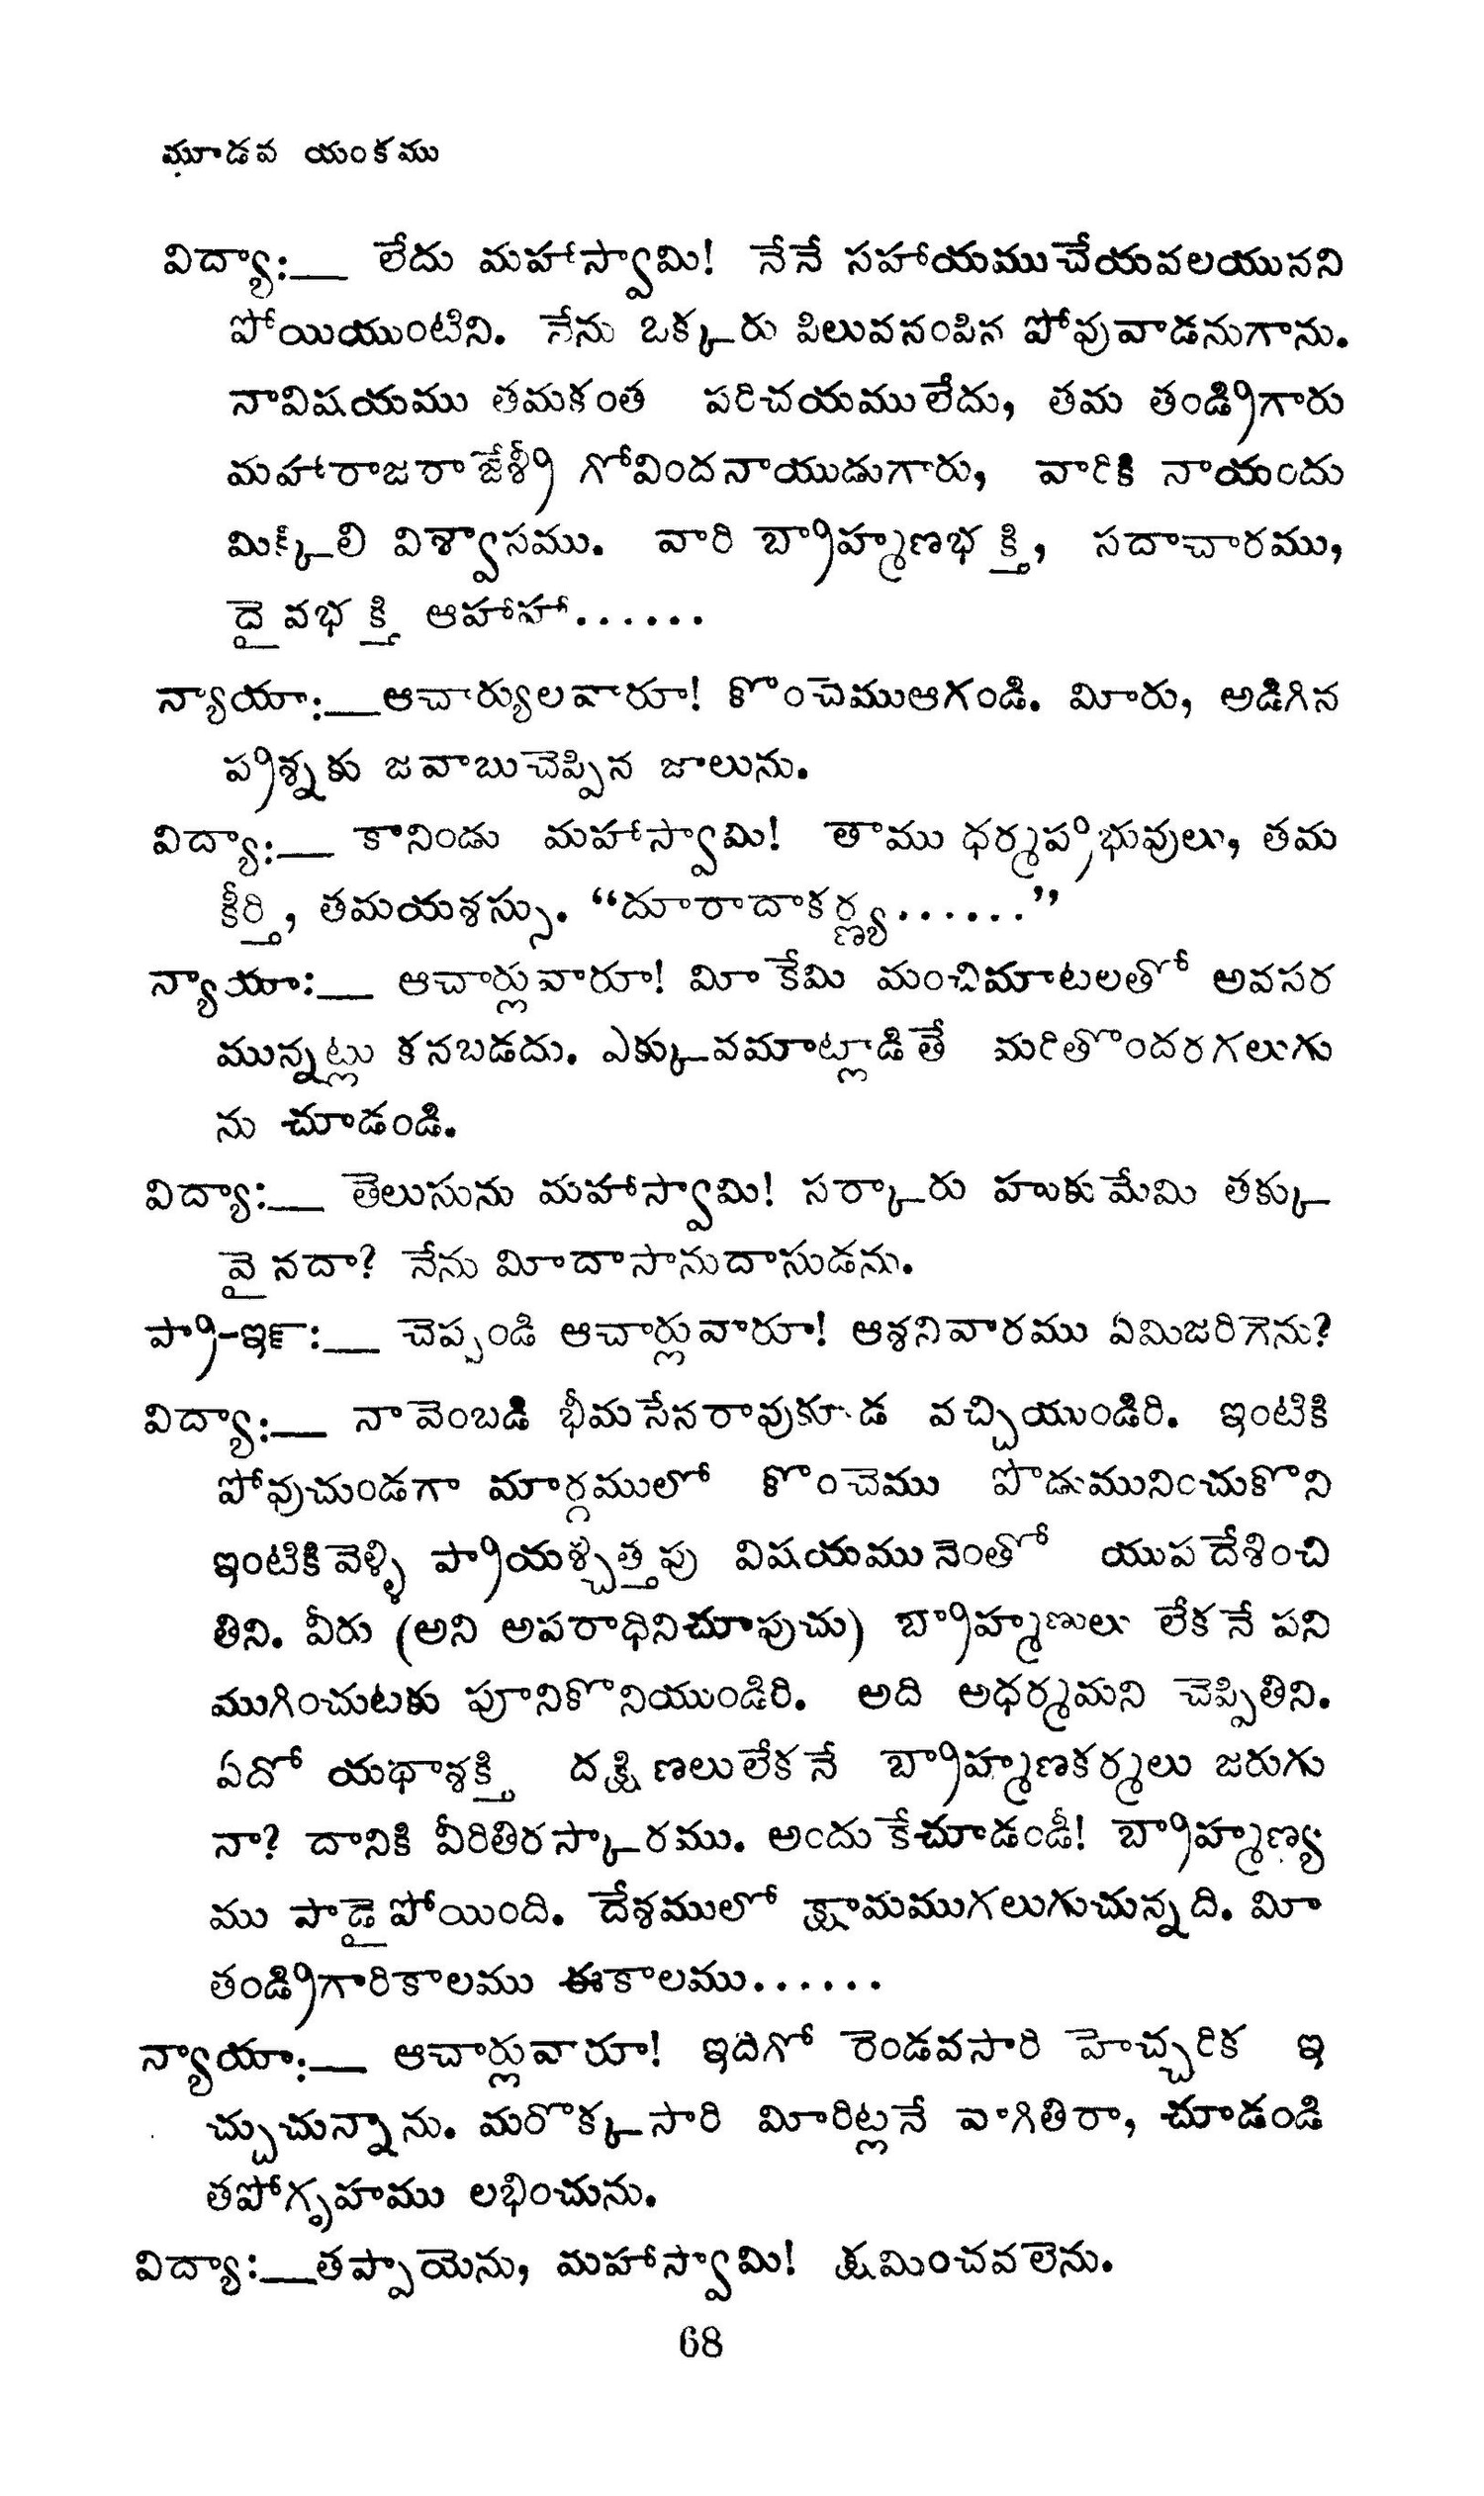విద్యా:--లేదు మహాస్వామి! నేనే సహాయము చేయవలయునని పోయియుంటిని. నేను ఒక్కరు పిలువనంపిన పోవువాడనుగాను. నా విషయము తమకంత పరిచయములేదు. తమ తండ్రిగారు మహారాజరాజేశ్రీ గొవిందనాయుడుగారు, వారికి నాయందు మిక్కిలి విశ్వాసము.. వారి బ్రాహ్మణ భక్తి, సదాచారము, దైవభక్తి ఆహాహా.......

న్యాయా:--ఆచార్యులవారూ! కొంచెము ఆగండి. మీరు అడిగిన ప్రశ్నకు జవాబుచెప్పిన జాలును.

విద్యా:--కానిండు మహాస్వామి! తాము ధర్మప్రభువులు, తమకీర్తి, తమయశస్సు, 'దూరాదాకర్ణ్య....."

న్యాయా:--ఆచార్యులవరూ! మీకేమి మంచిమాటలతో అవసర మున్నట్లు కనబడౌ. ఎక్కువమాట్లాడితే మరితొందరగలుగును చూడండి.

విద్యా:--తెలుసును మహాస్వామి! సర్కారు హుకుమేమి తక్కువైనదా! నేను మీదాసానుదాసుడను.

ప్రా-ఇన్;-- చెప్పండి ఆచార్లువారూ! ఆశనివారము ఏమిజరిగెను?

విద్యా:--నావంబడి భీమసేనరావుకూడ వచ్చియుండిరి. ఇంటికి పోవుచుండగా మార్గములో కొంచెము పొడుము నించుకొని ఇంటికివెళ్ళి ప్రాయశ్చిత్తపు విషయంతొ యుపదేశించితిని. వీరు (అని అపరాధినిచూపుచు) బ్రాహ్మణులు లేకనే పని ముగించుటకు పూనికొని యుండిరి. అది అధర్మమని చెప్పితిని. ఏదో యధాశక్తి దక్షిణలులేకనే బ్రాహ్మణకర్మలు జరుగునా? దానికి వీరి తిరస్కారము. అందుకే చూడండి! బ్రాహ్మణ్యము పాడైపొయింది. దేశములో క్షామము గలుగుచున్నది. మీ తండ్రిగారి కాలము ఈకాలము......

న్యాయా:-- ఆచార్లువారూ! ఇదిగో రెండవవాసారి హెచరిక ఇచ్చుచున్నాను. మరొక్కసారి మీరిట్లనే వాగితిరా, చూడండి తపొగృహము లభించును.

విద్యా:--తప్పాయను, మహాస్వామి! క్షమించవలెను.